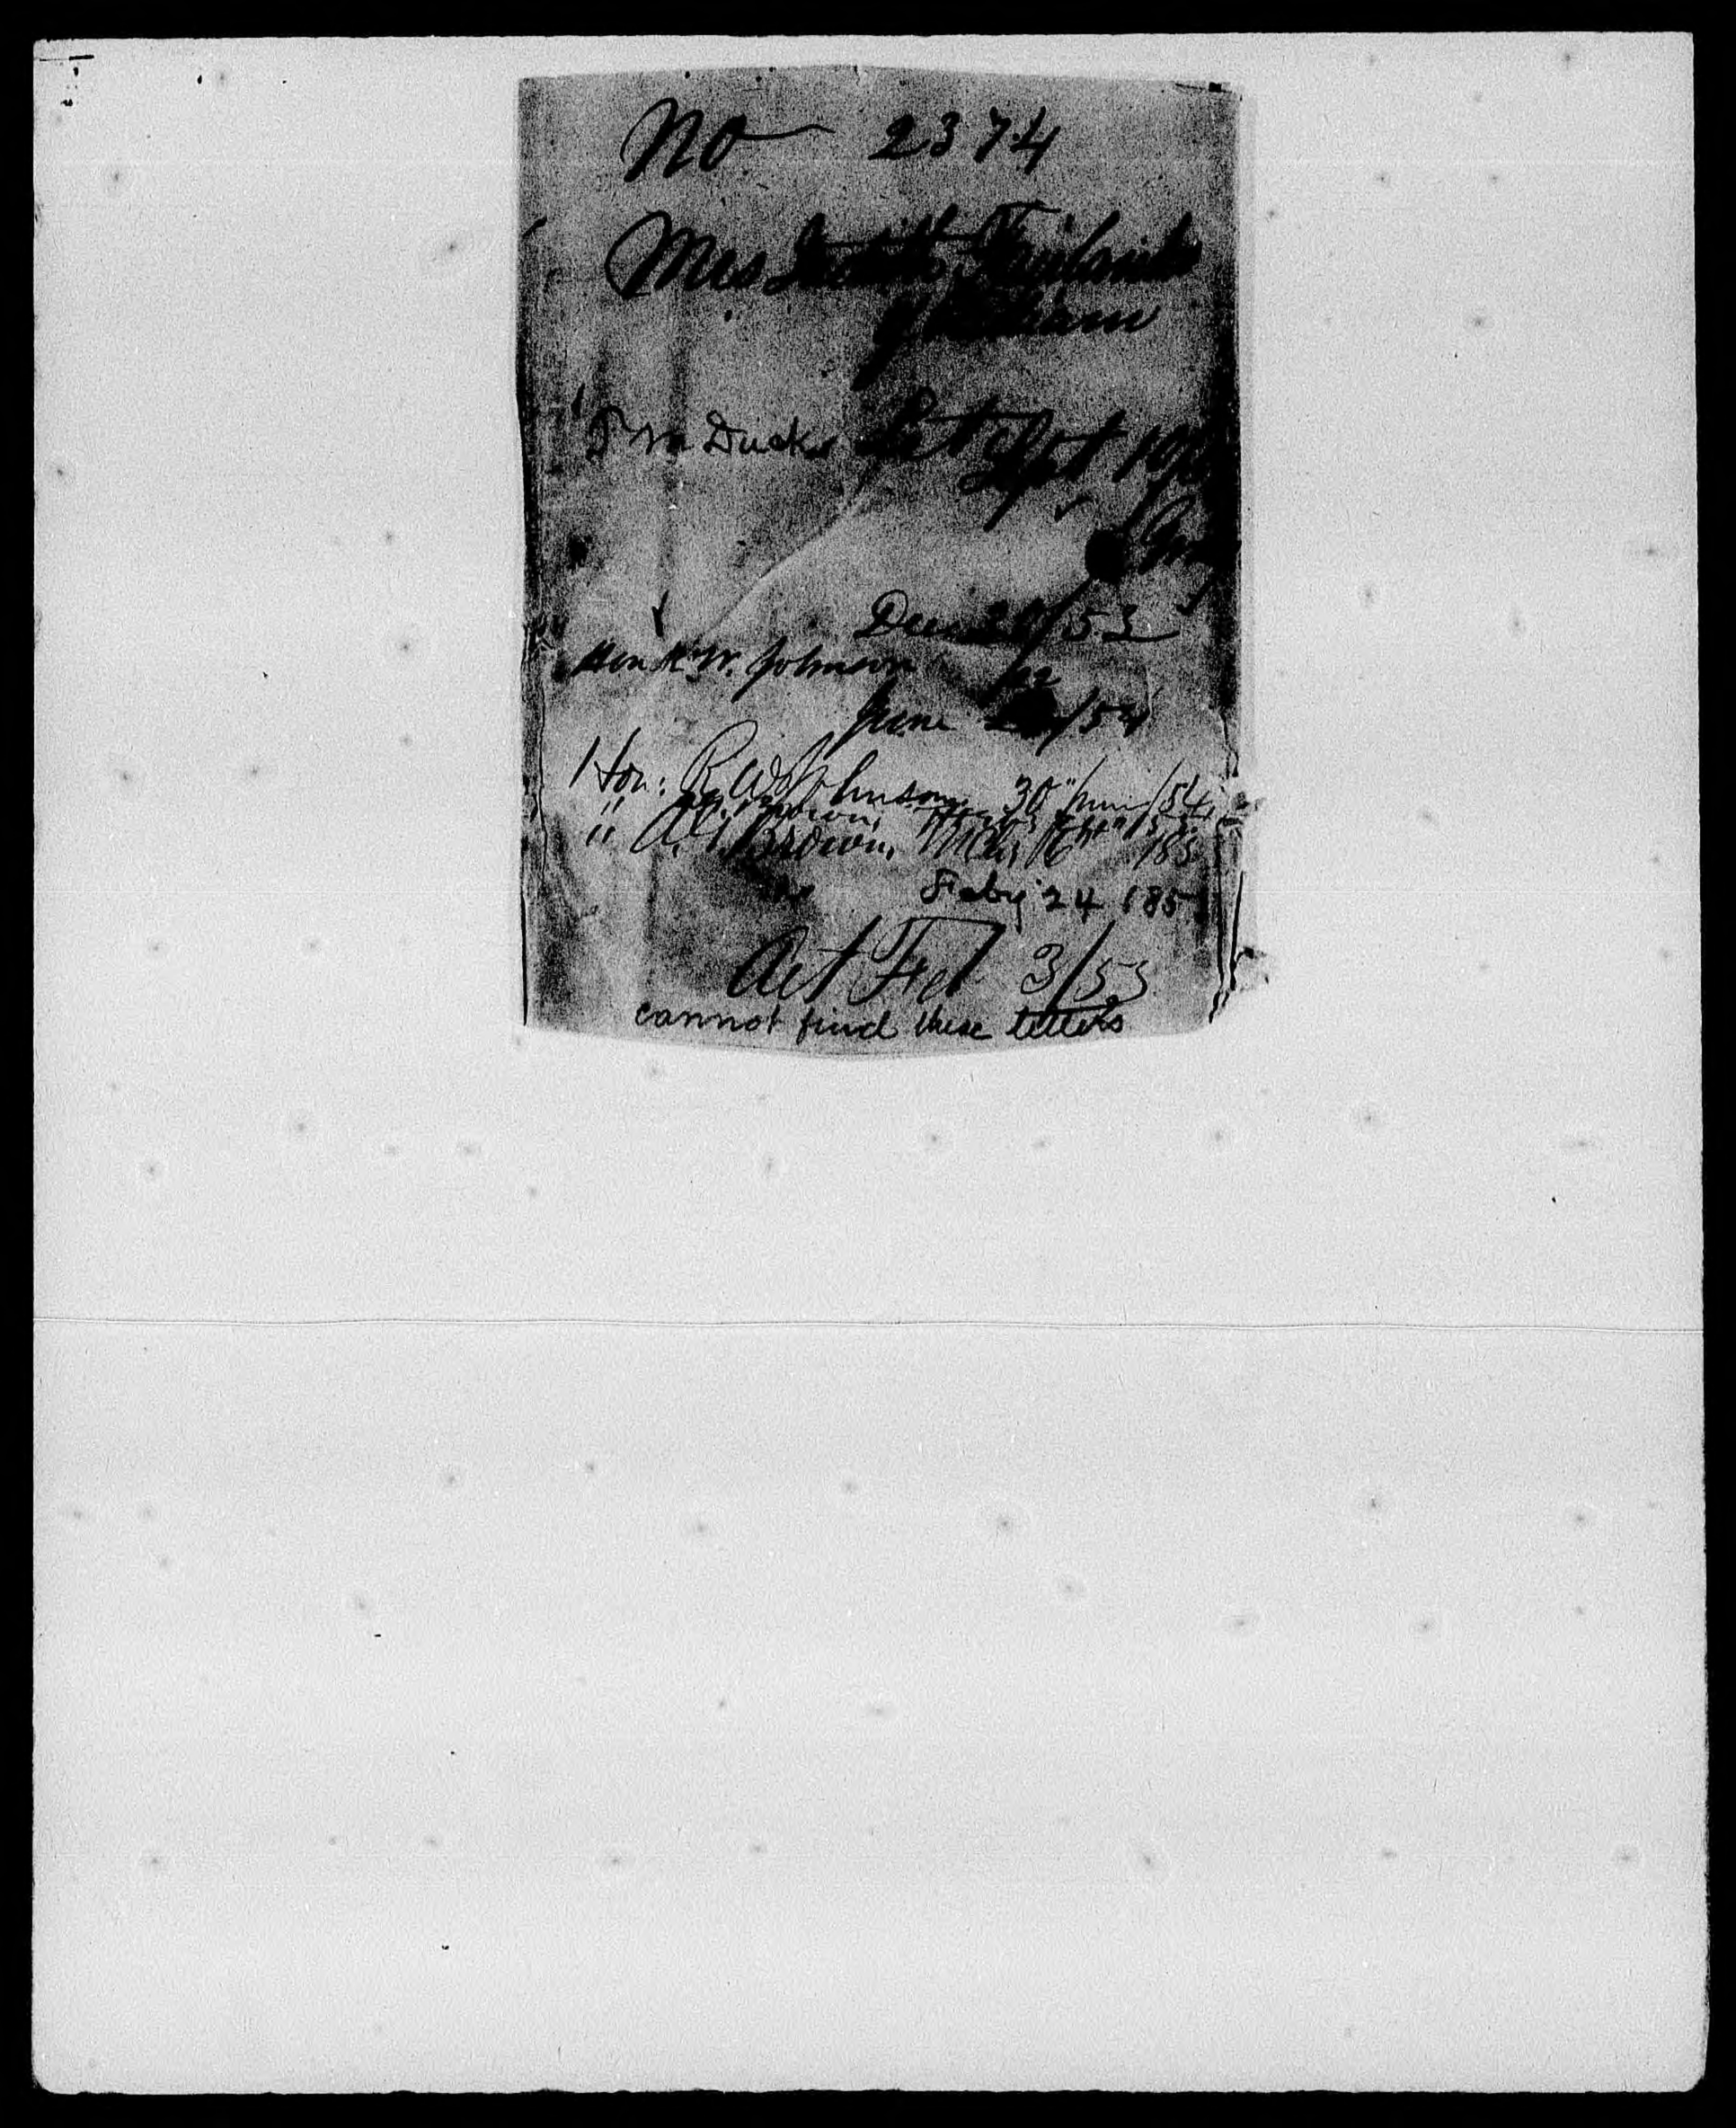No 2374
Mrs. Judith Fairbanks
J William
TW Ducks Sept 10/[illegible]
Dec 20/53
Hon R W Johnson
June 22/54
Hon: RW Johnson 30”/June/54
“ AG. Brown Mar 6th 1854
“ A. G. Brown Feby 24 1854
Act Feb 3/53
cannot find these tellers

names: Judith Fairbank, A G Brown, R W Johnson, J William, A G Brown, R W Johnson, T W Ducks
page: 11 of 17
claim: rejected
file: R. 3423, William Fairbanks, R.I.